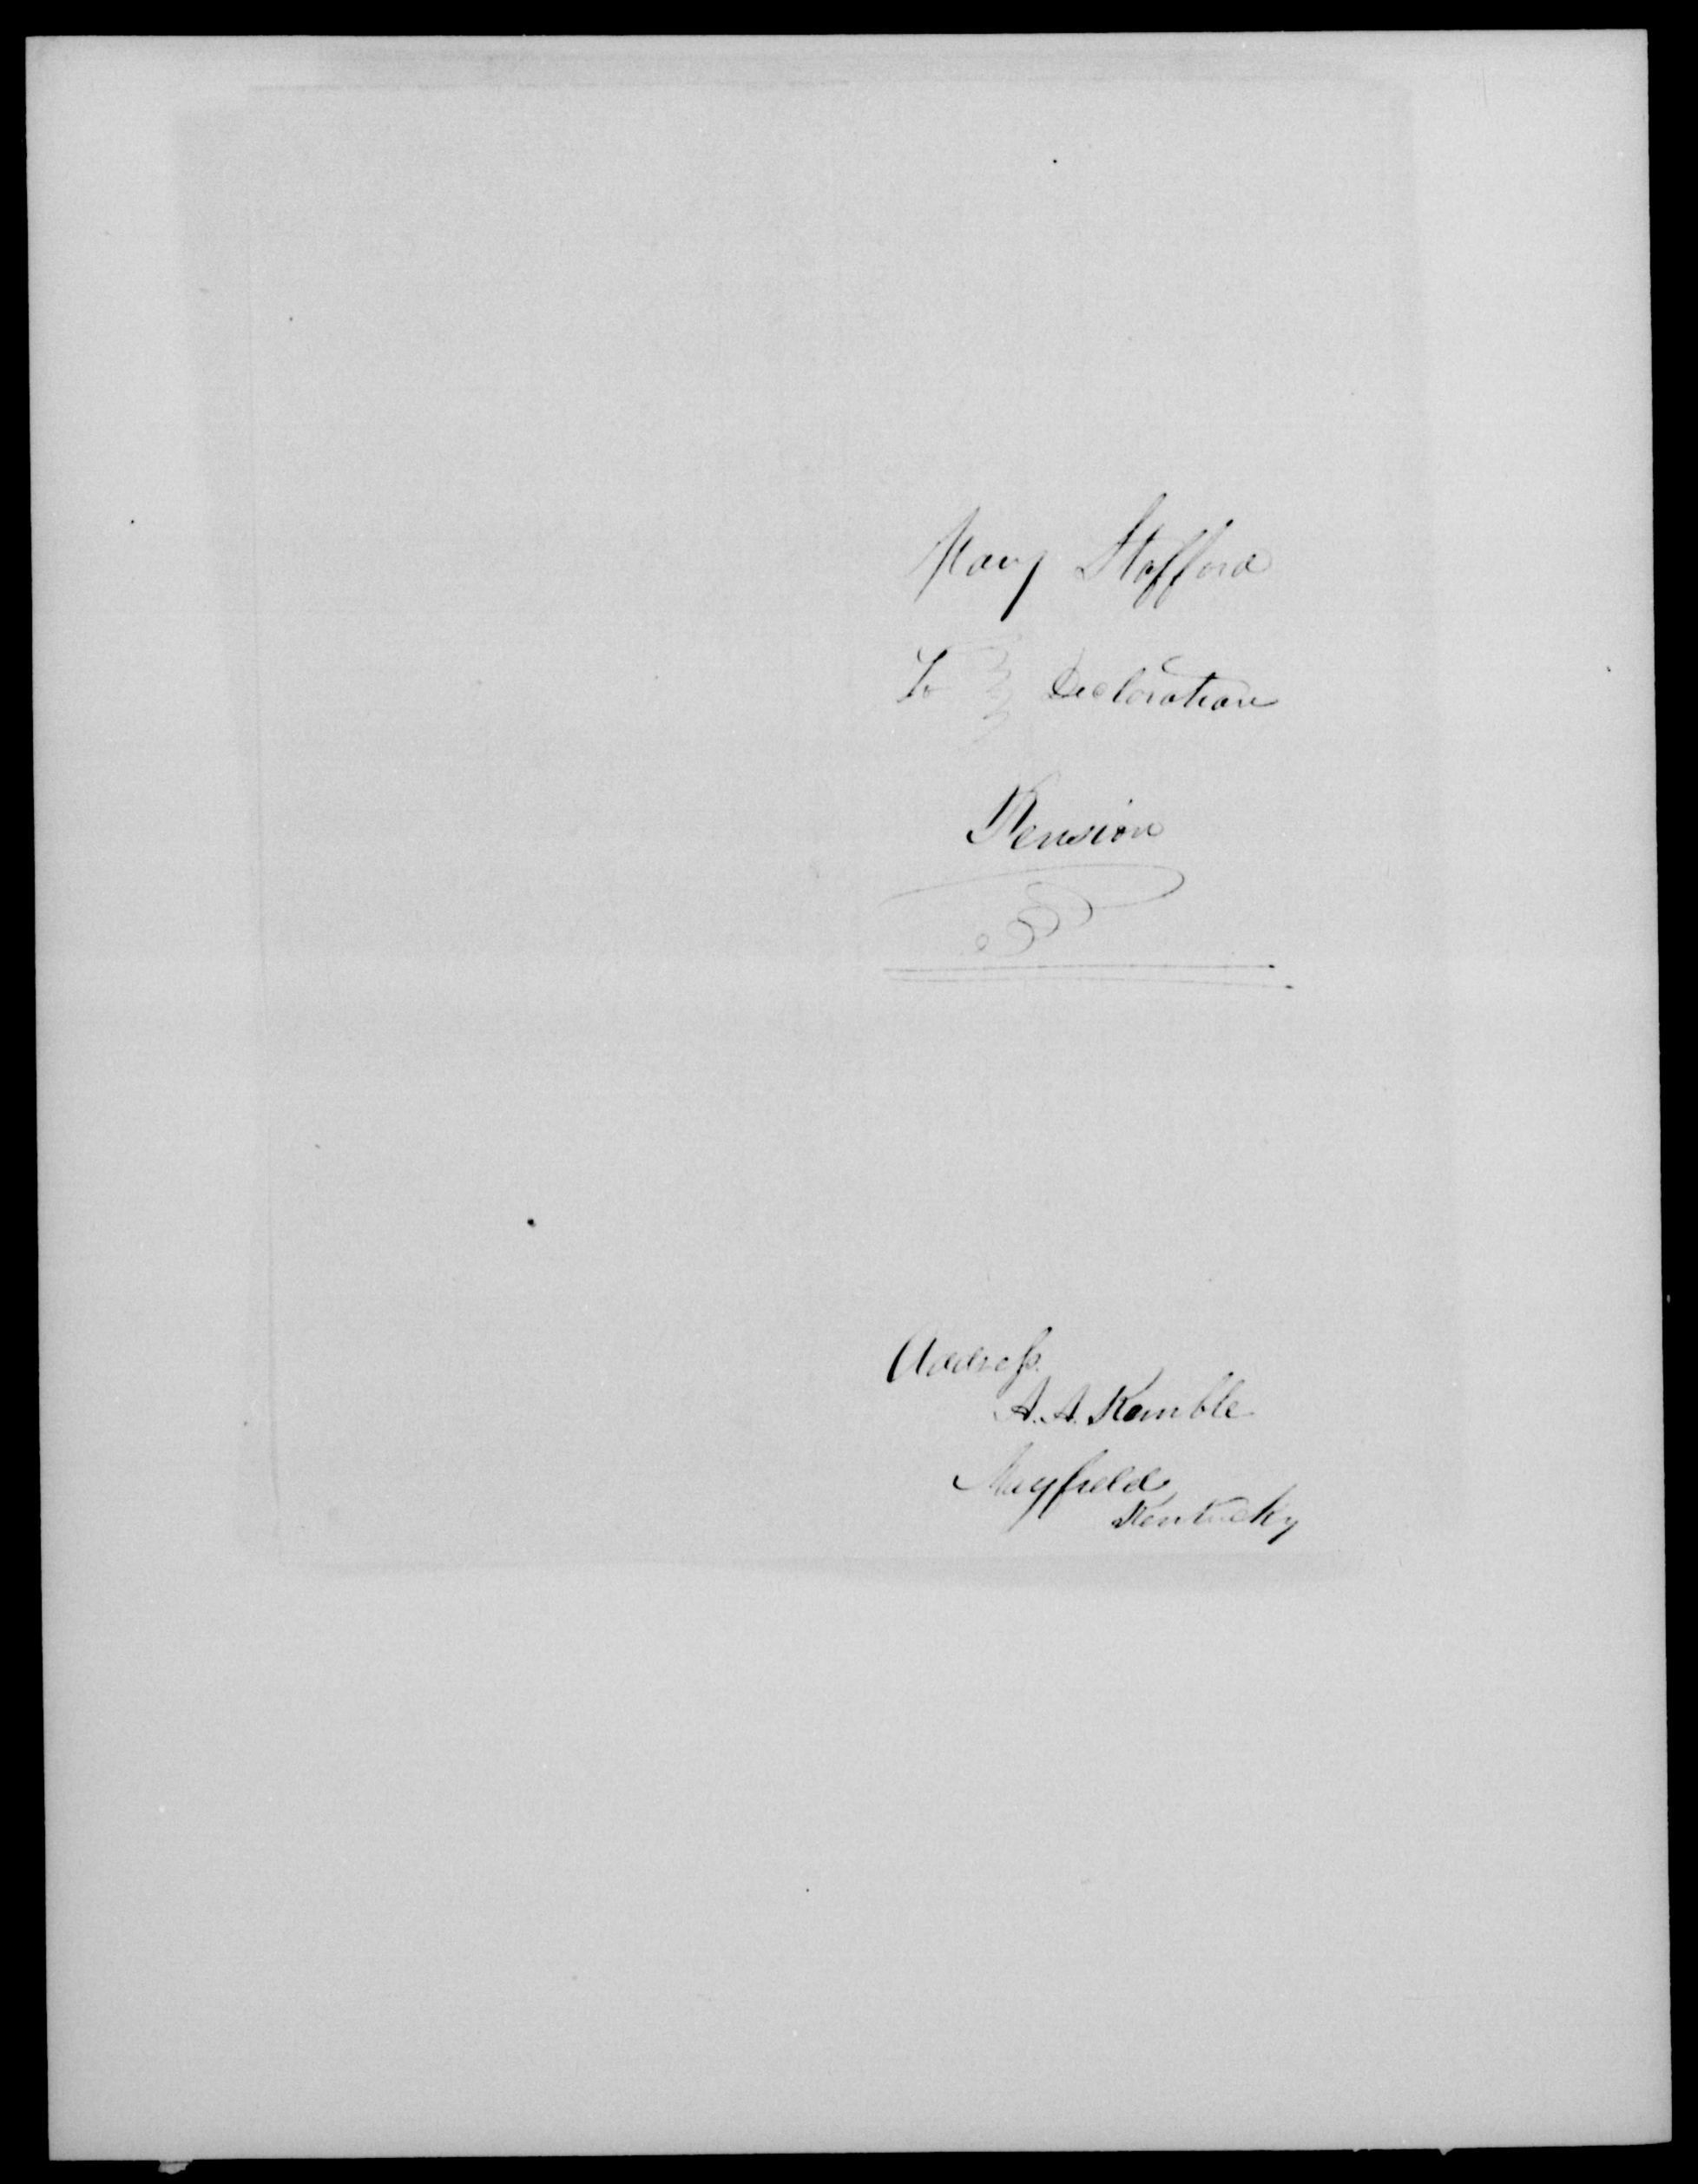Mary Stafford
her Declaration
Pension


Witnefs
A. A. Kemble
Mayfield
Kentucky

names: Mary Stafford; A A Kemble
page: 16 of 61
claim: widow's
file: W. 11554, for John Stafford, Maryland